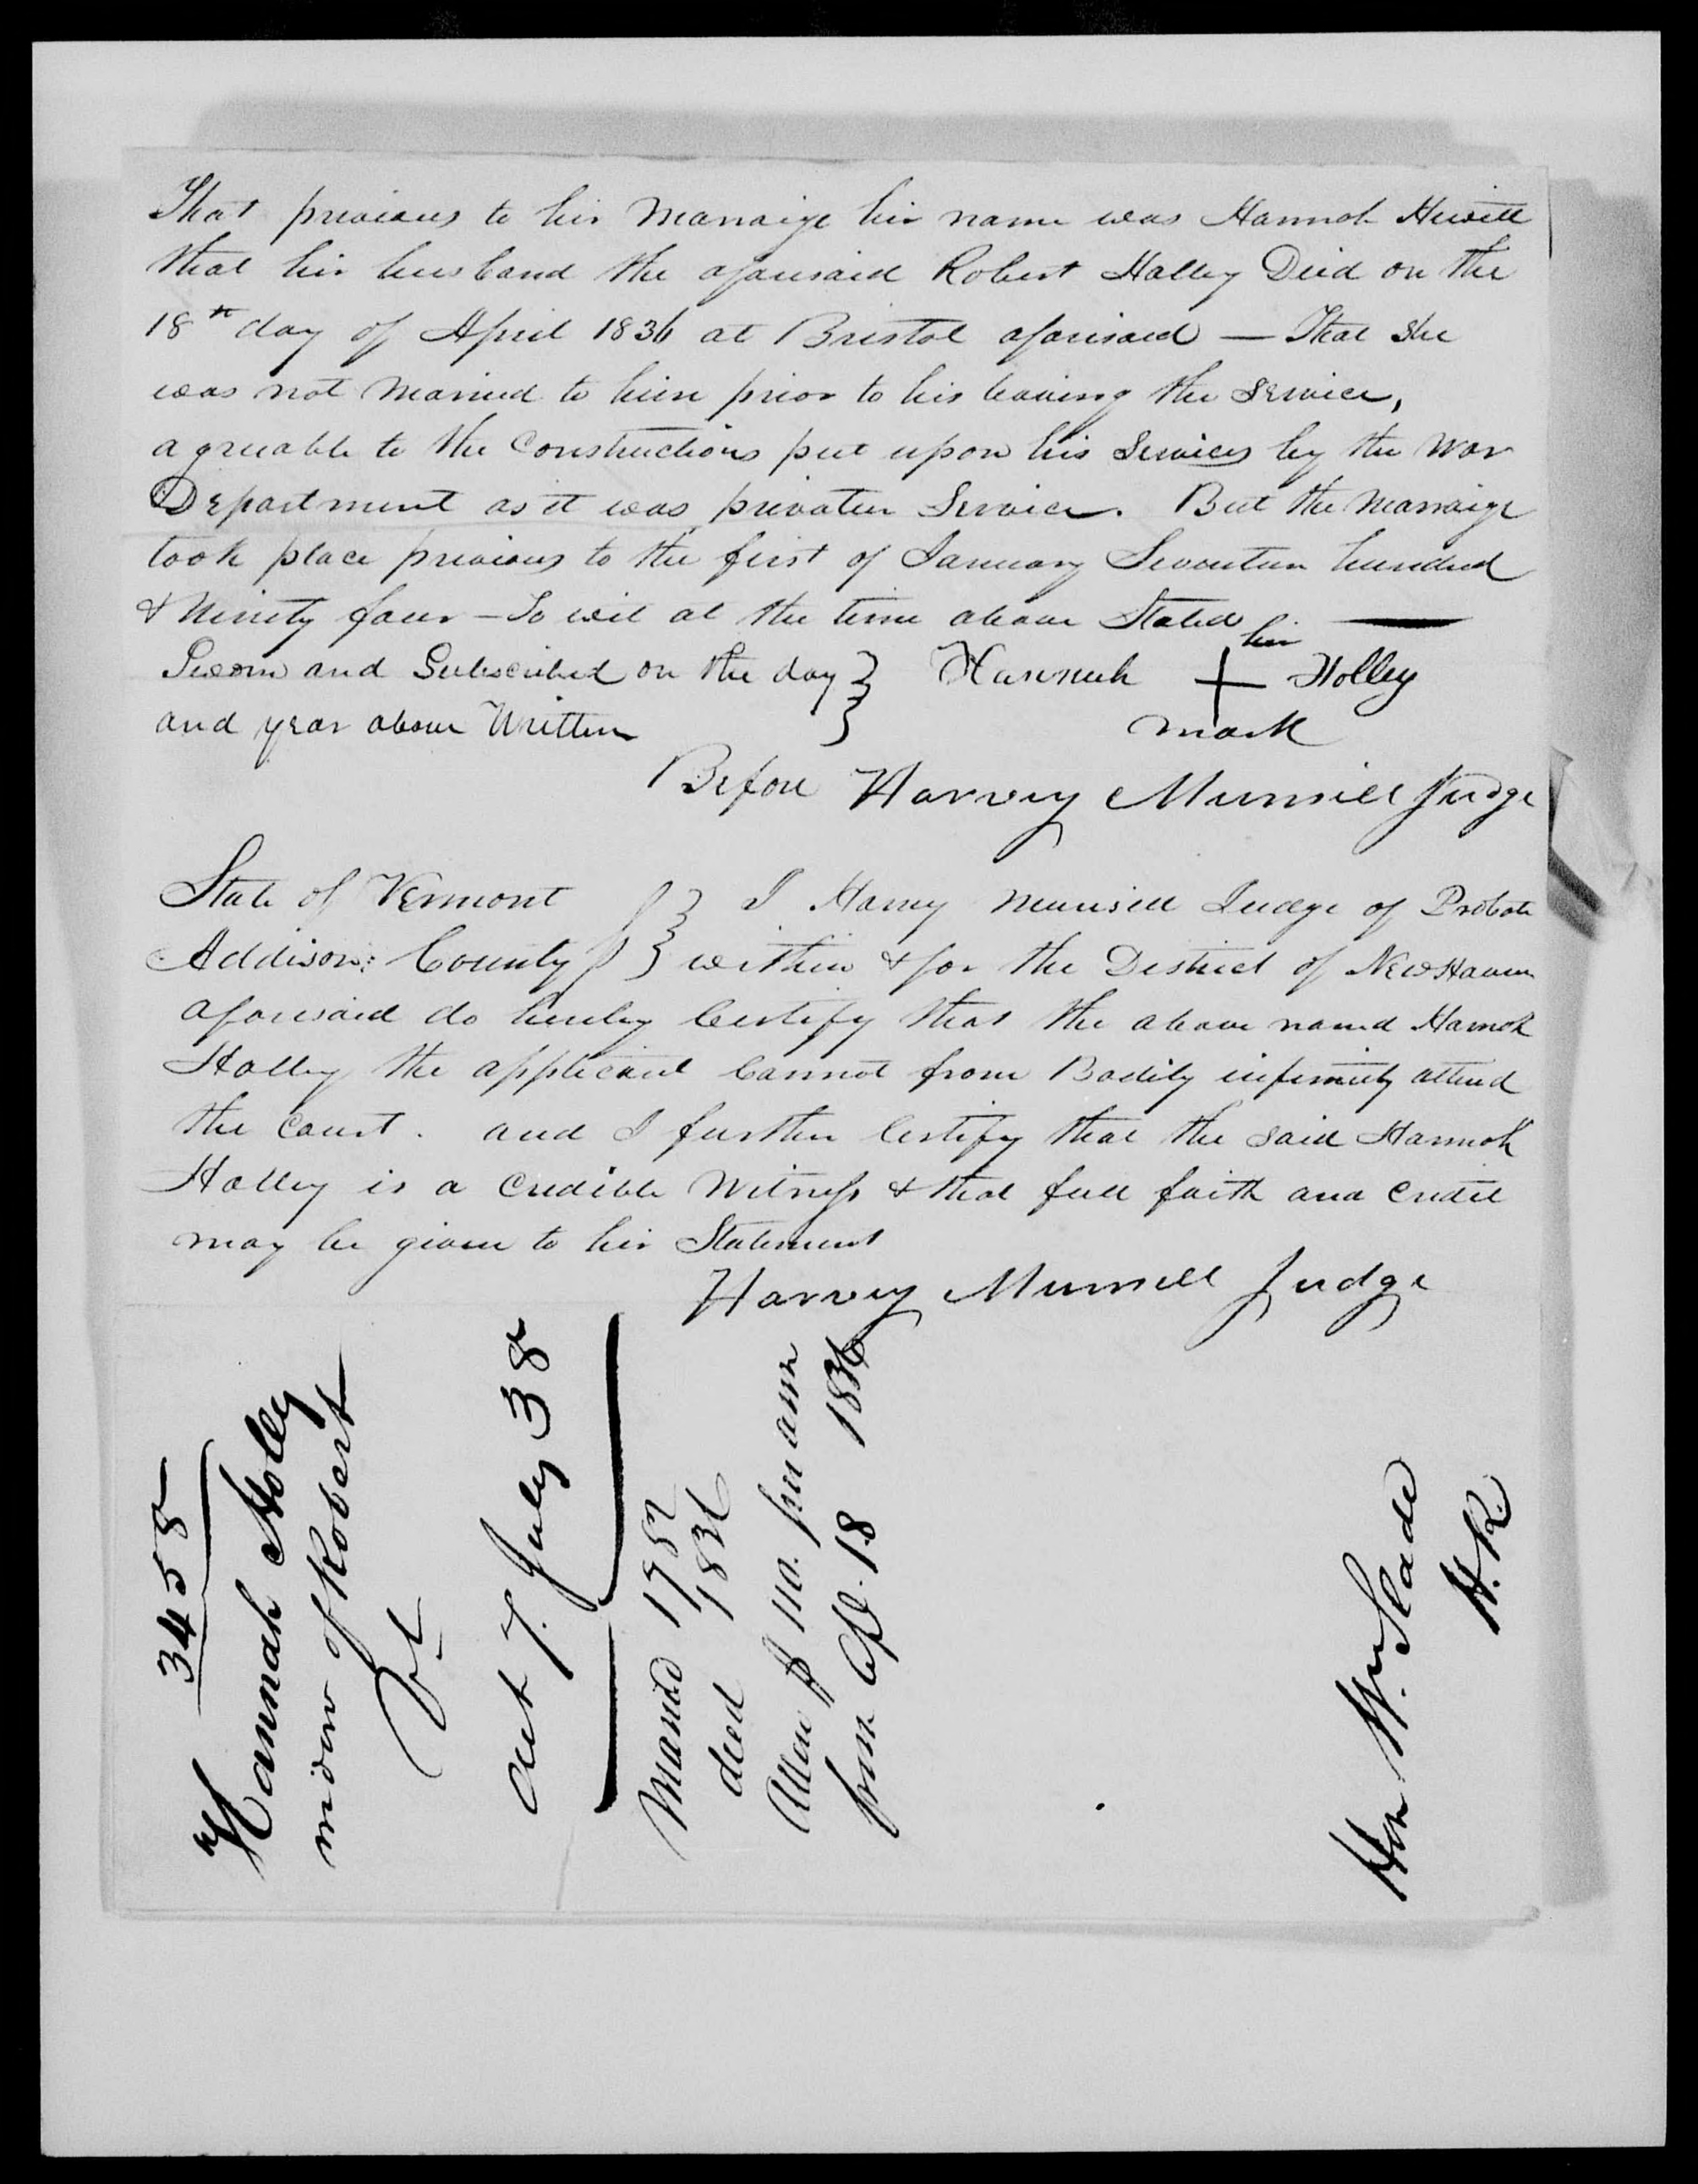That previous to his marriage her name was Hannah Hewitt
that her husband the aforesaid Robert Holley died on the
18th day of April 1836 at Bristol aforesaid - That she
was not married to him prior to his leaving the service
agreeable to the constructions put upon his services by the War
Department as it was privateer service. But the marriage
took place previous to the first of January Seventeen hundred
& ninety four - To wit at the time above stated his
Hannah X Holley her mark
Sworn and subscribed on the day  
and year above written
Before Harvey Munsill Judge

State of Vermont 
Addison County ⎬ 
I Harry Munsill Judge of Probate
within & for the District of New Haven
aforesaid do hereby certify that the above named Hannah
Holley the applicant cannot from Bodily infirmity attend
the Court and I further certify that the said Hannah
Halley is a credible witness & that full faith and credit
may be given to her statement
Harvey Munsill Judge

[at bottom, sideways]
3458
Hannah Holly
widow of Robert
Vt
Act 7 July 38
Married 1782
Died 1836
Allow $110. per ann
from Apr 18 1836

Hon Wm Slade
H.R.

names: Harvey Munsill, Wm Slade, Harvey Munsill, Robert Halley, Hannah Holley, Hannah Halley, Hannah Holly, Harvey Munsill, Robert Holley, Hannah Halley, Hannah Hewitt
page: 9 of 62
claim: widow's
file: W. 21391, Robert Holley, Conn.